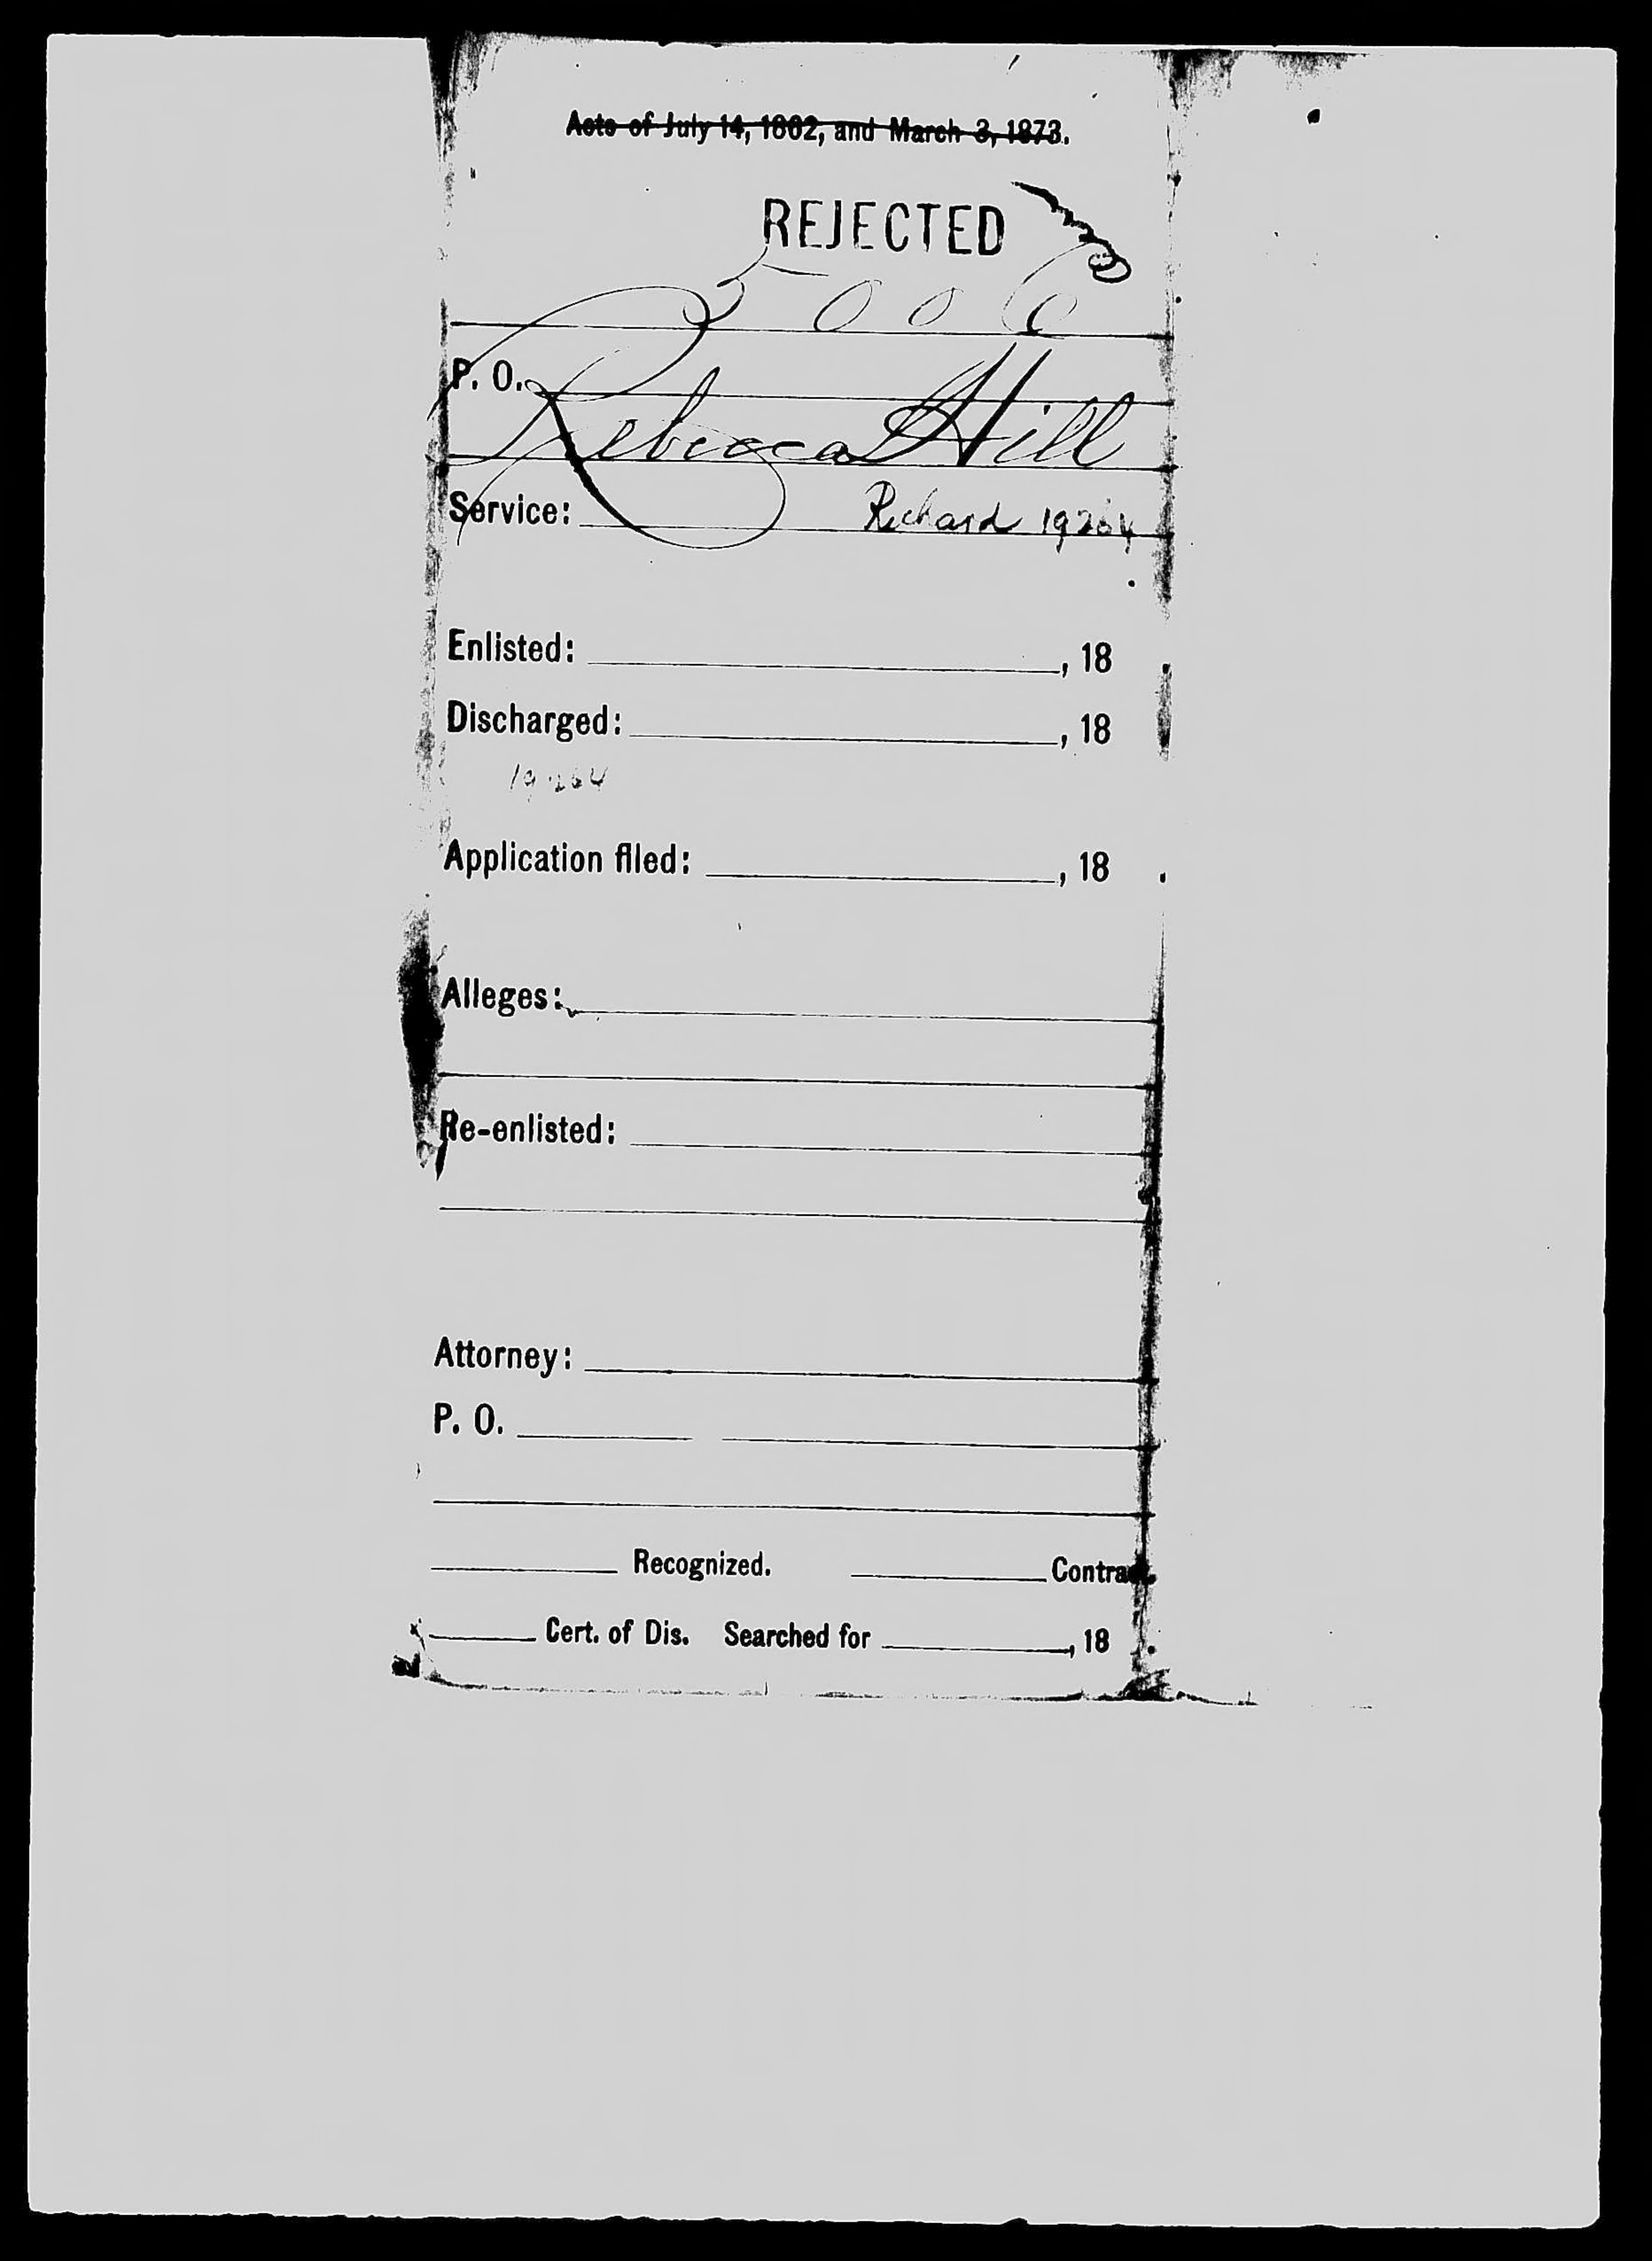[typed form, with handwritten responses]

[crossed out] Acts of July 14, 1862, and March 3, 1873.

[Stamped] - REJECTED

5006

P. O. Rebecca Hill

Service: Richard 19264

Enlisted: ____ ,18
Discharged: _____ ,18

Application filed: _____ ,18

Alleges: ______

Re-enlisted: ______

Attorney: ____
P. O. ____
___Recognized.  _____ Contract.
___Cert. of Dis.  Searched for ____, 18.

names: Rebecca Hill, Richard Hill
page: 21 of 27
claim: rejected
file: R. 5006, Richard Hill, N.C.